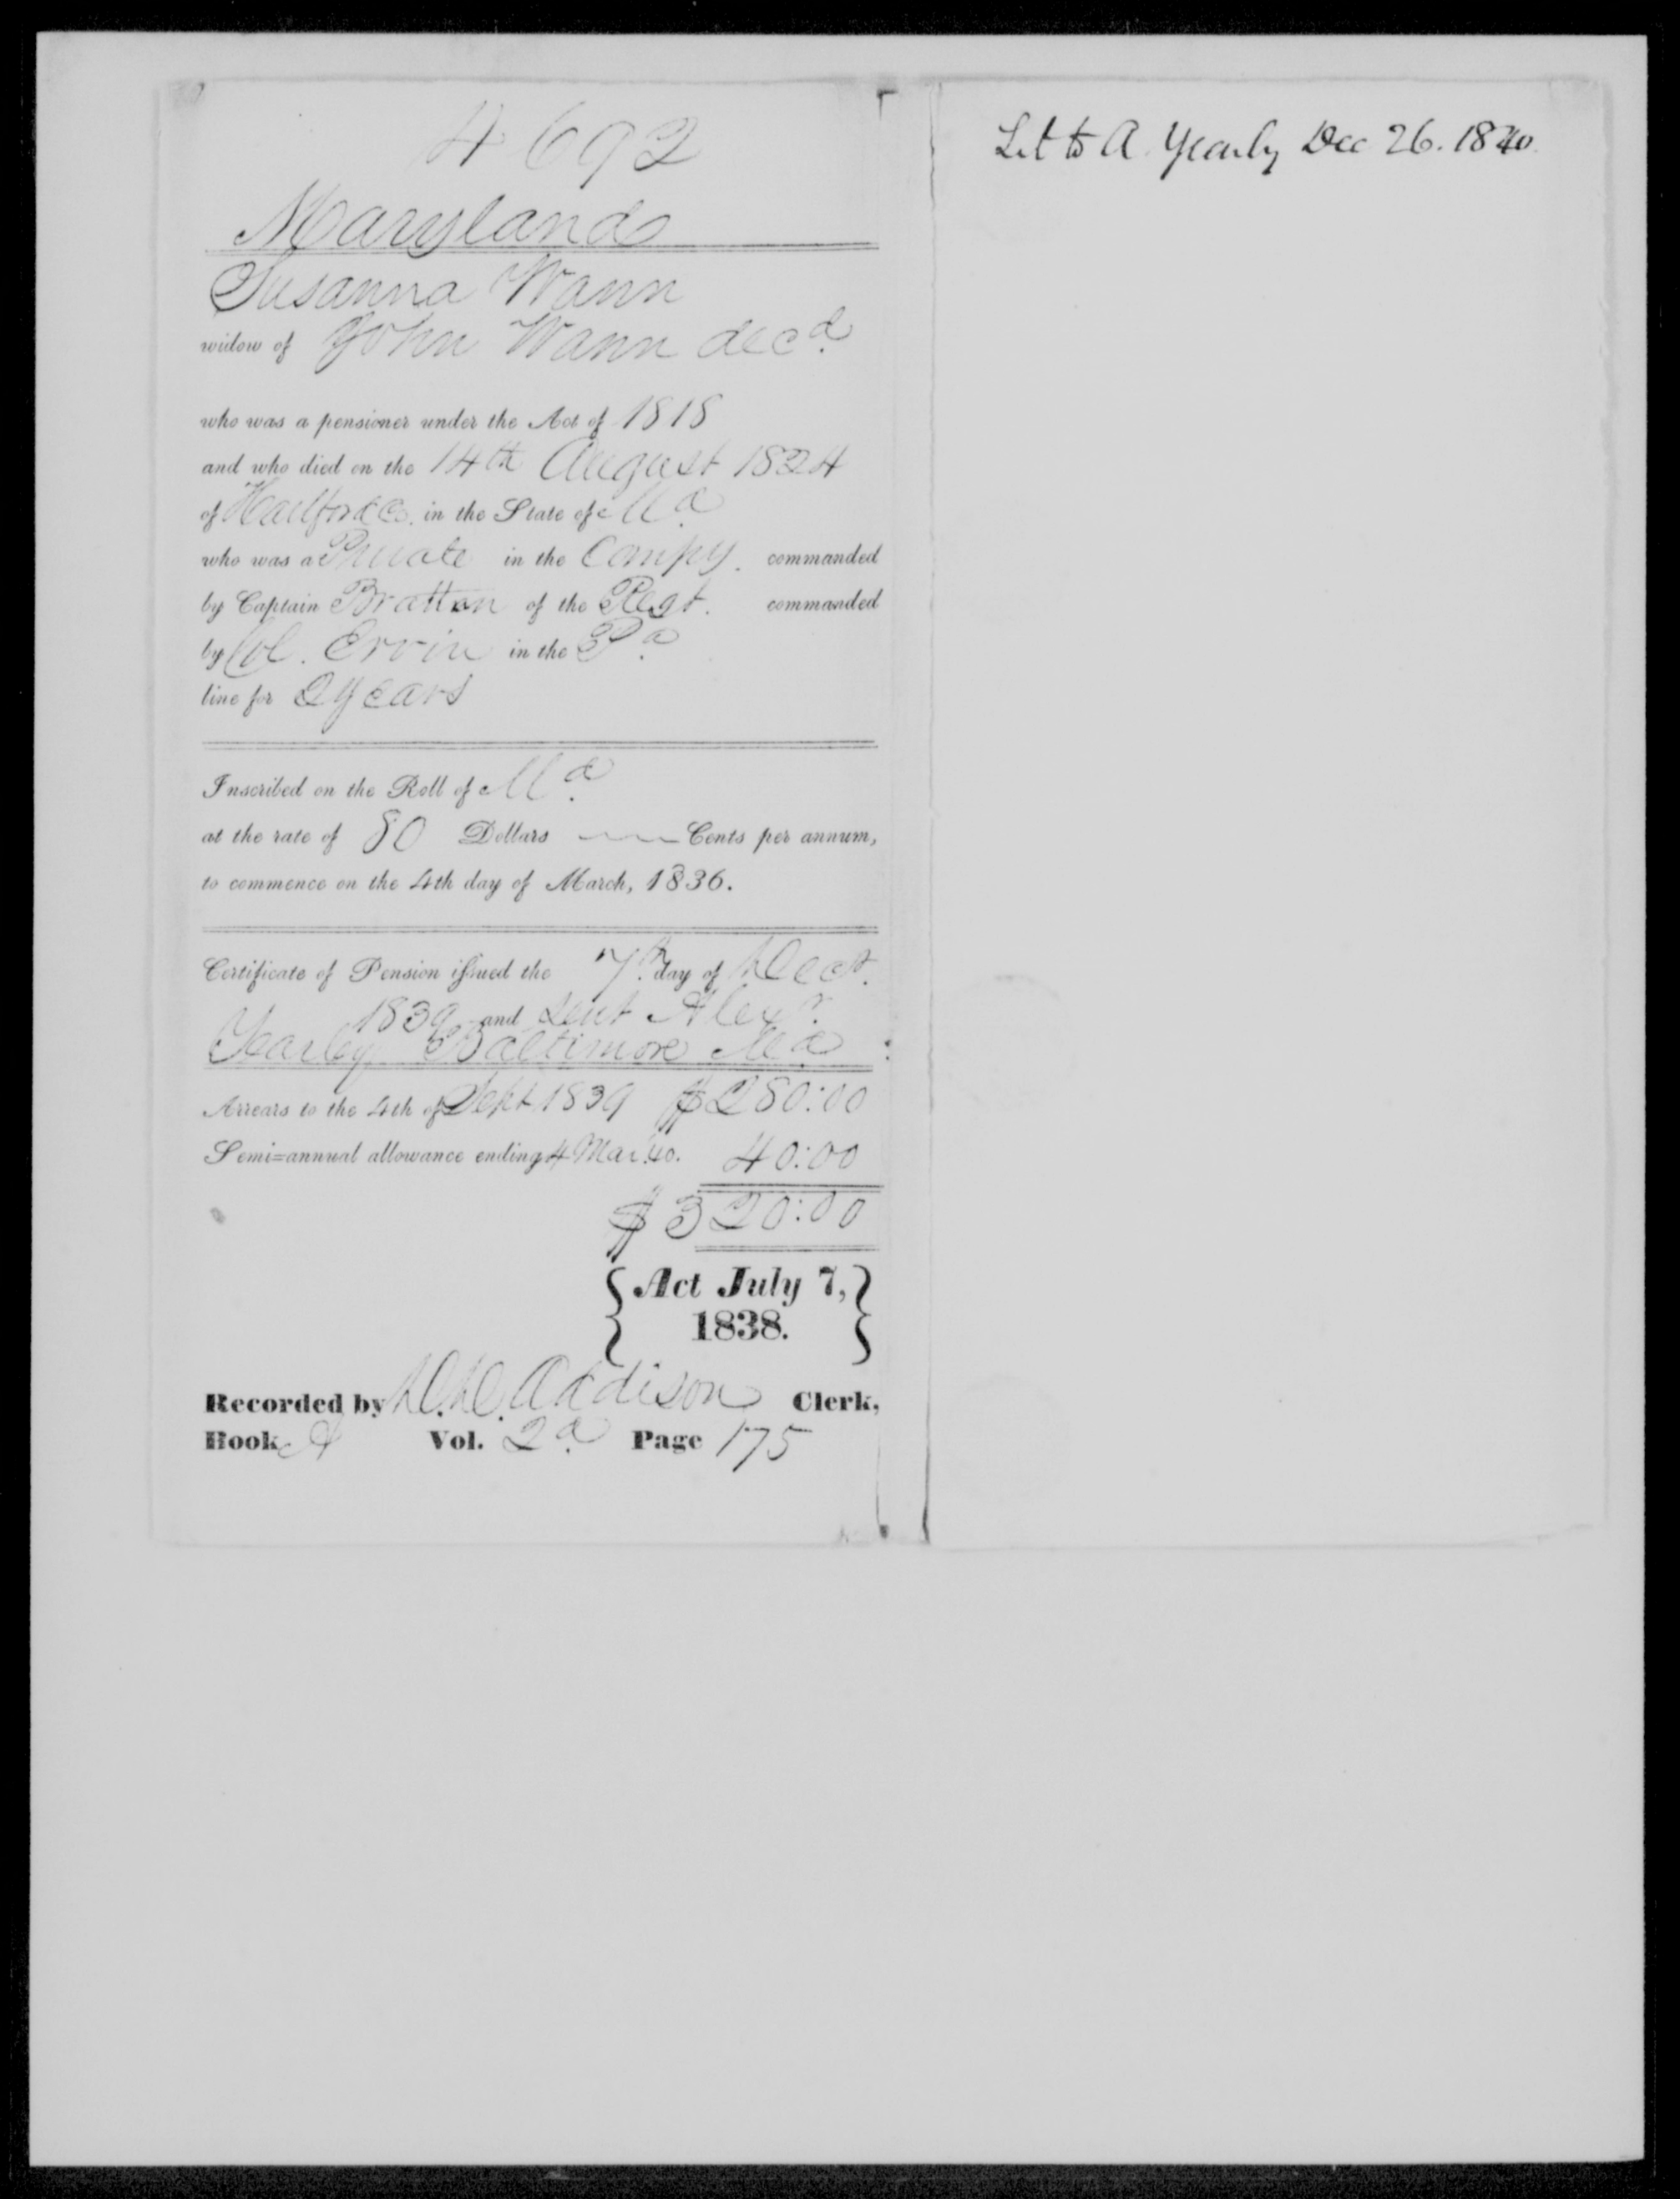4692
Maryland
Susanna Wann widow of John Wann decd. [deceased] who was a pensioner under the Act of 1818 and who died on the 14th August 1824 of Hartford Co. in the State of Md. who was a Private in the Compy [company] commanded by Captain Bratton of the Regt. commanded by Col. Ervin in the Pa. line for 2 years

Inscribed on the Roll of Md. at the rate of 80 Dollars -- Cents per annum,
to commence on the 4th day of March, 1836.

Certificate of Pension issued the 7th day of Decr. [December] 1839 and sent Alexr. [Alexander] Yearley Baltimore MD

Arrears to the 4th of Sept 1839 $280.00
Semi=annual allowance ending 4 Mar. 40. 40.00
$320.00
Book.
{Act July 7,1838.}
Recorded by D. D. Addison Clerk,
Book A Vol. 2 Page 175

Let to A Yearly Dec 26. 1840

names: A Yearly, Susanna Wann, Ervin, John Wann, Alexr Yearley, D D Addison, Bratton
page: 19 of 38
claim: widow's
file: W. 3899, John Wann, Penn.